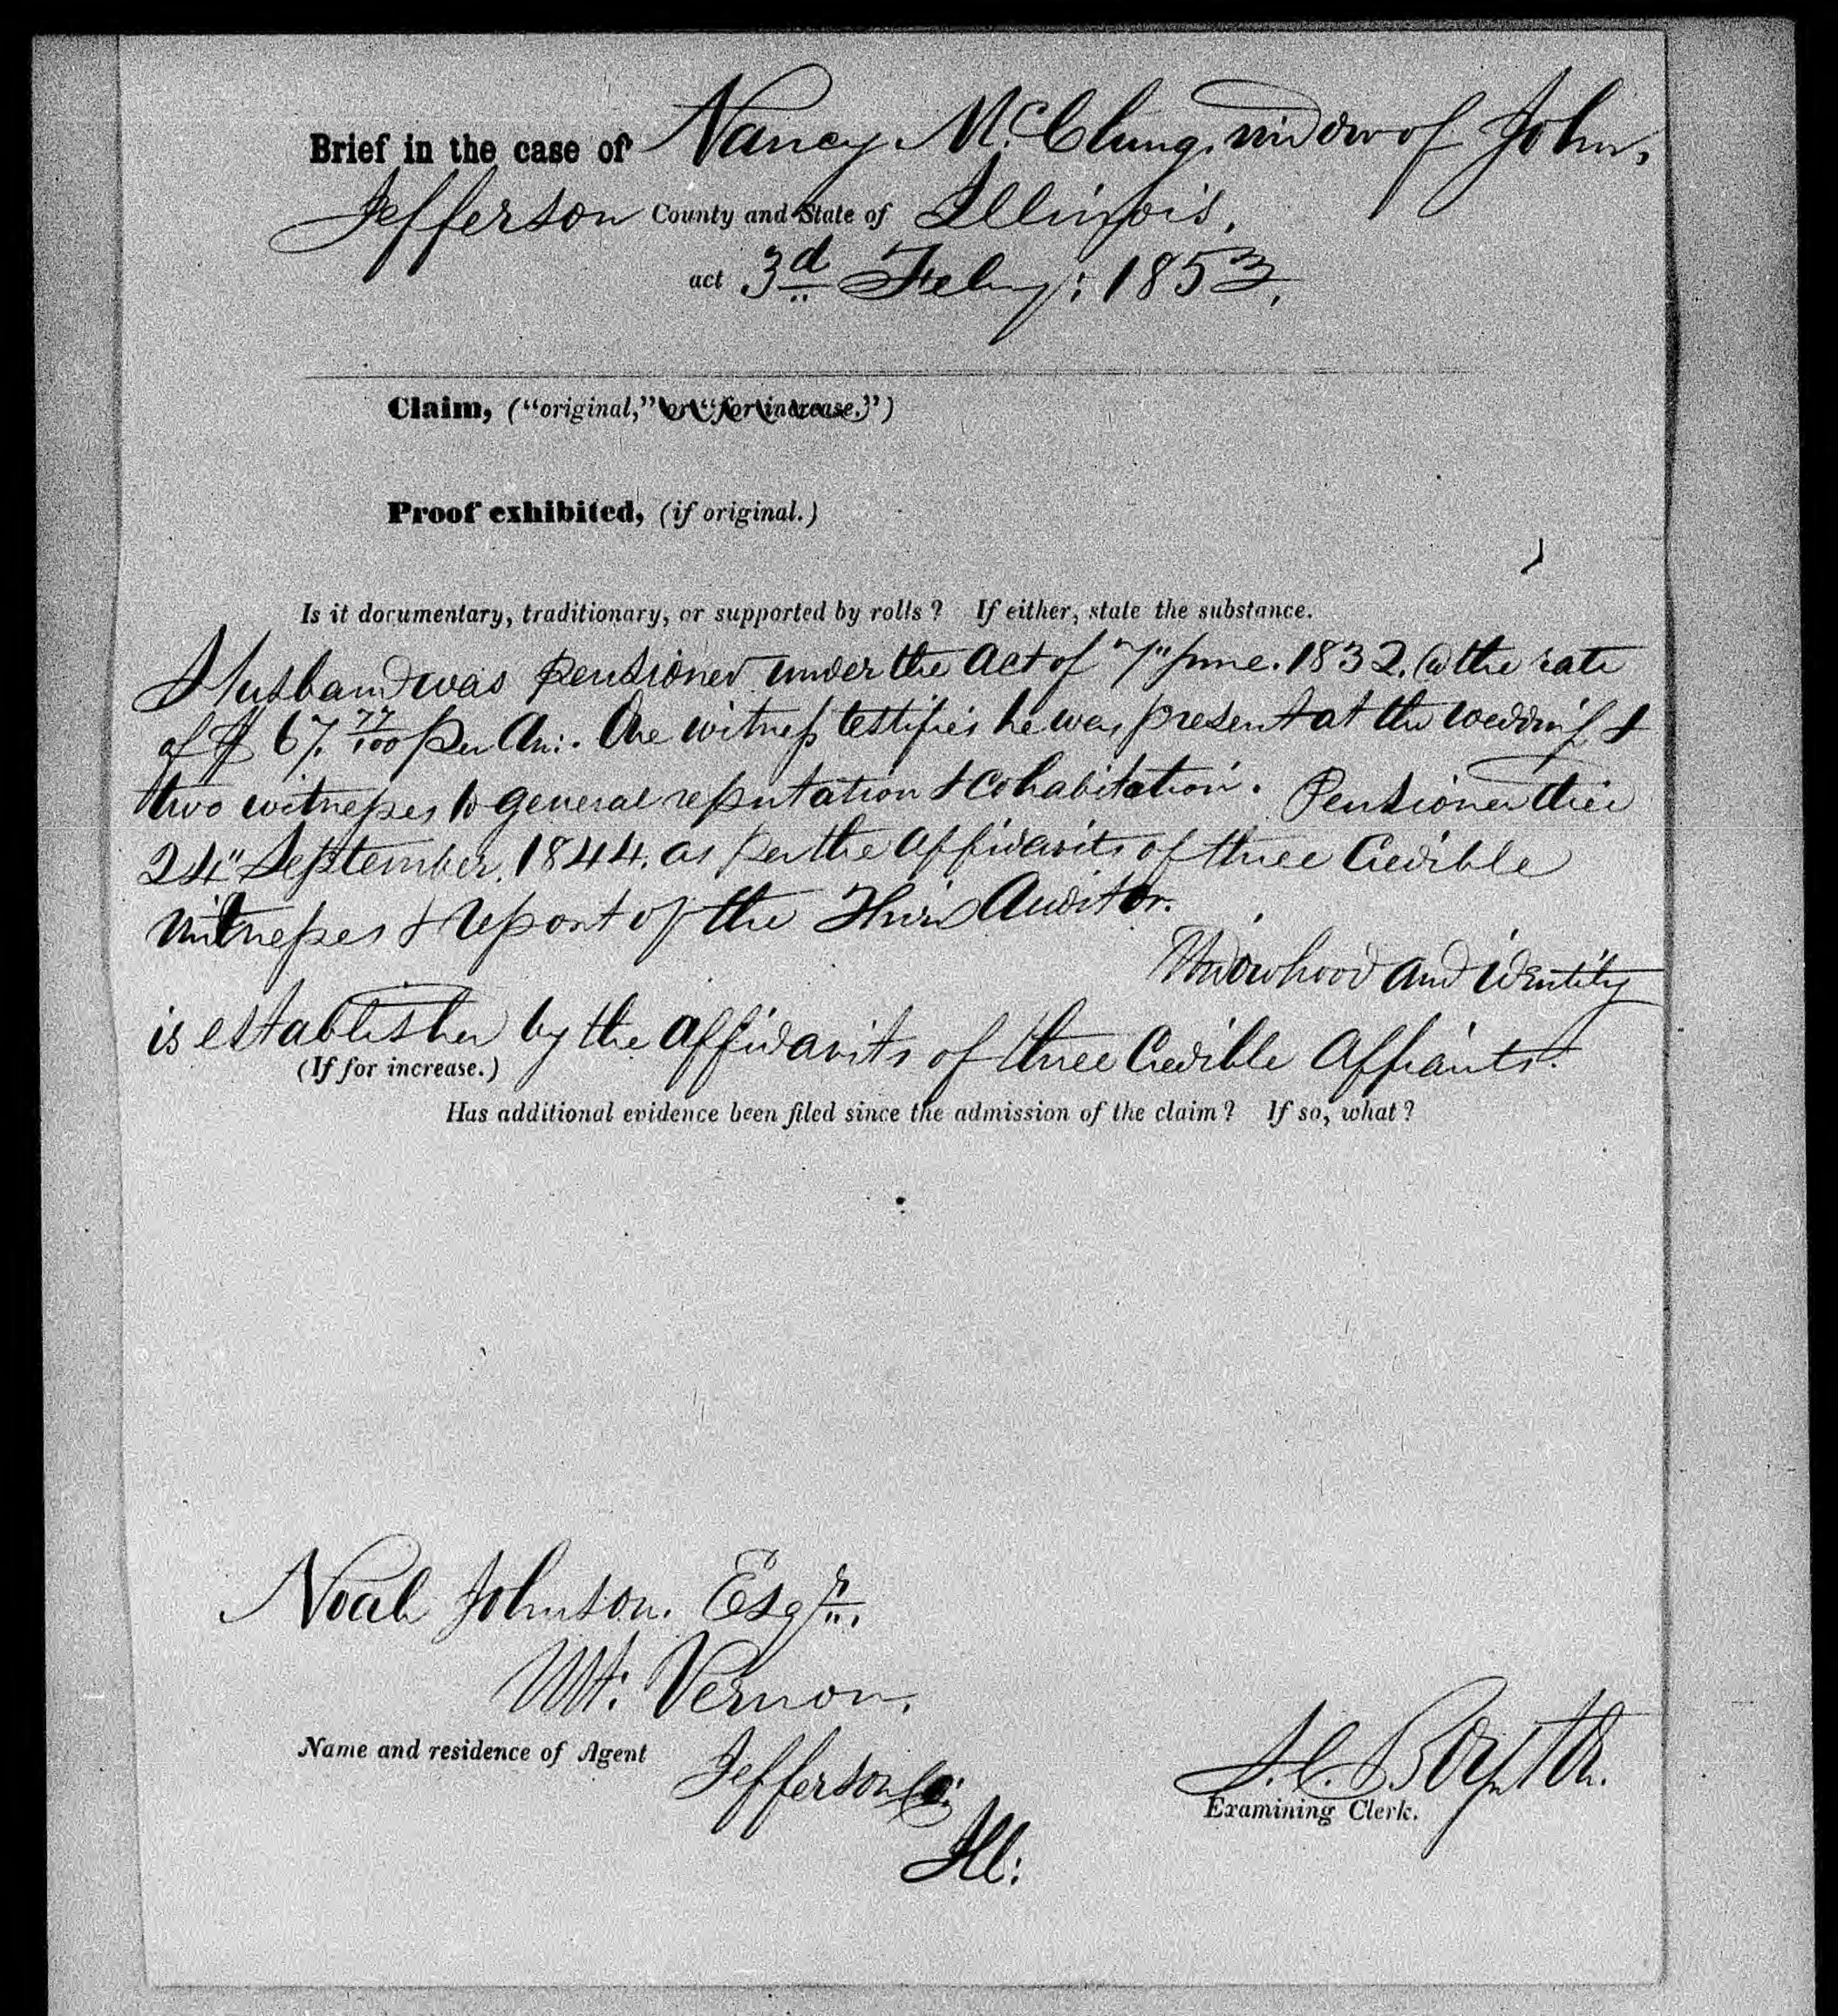Brief in the case of Nancy McClung widow of John Jefferson County and said Illinois
act 3d Febry 1853.
Claim, (original,
Proof exhibited, (if original.)
Is it documentary, traditionary, or supported by rolls? If either, state the substance.

Husband was pensioner under the act of 7 June 1832, at the rate of $67.77 per an. One witness testifies he was present at the wedding & two witnesses to general reputation & cohabitation.
Pensioner died 24" September 1844, as per the affidavits of three credible Witnesses & report of the Third Auditor

Widowhood and identity is established by the affidavits of three credible Affiants

(If for increase.)
Has additional evidence been filed since the admission of the claim? If so, what?

S.C. Boynton Examining Clerk

Name and residence of Agent
Noah Johnson, Esqr
Mt. Vernon,
Jefferson Co. Ill.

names: S C Boynton; Noah Johnson; Nancy Mc Clung; John Mc Clung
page: 66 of 115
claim: widow's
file: W. 1446, for John Mc Clung, South Carolina